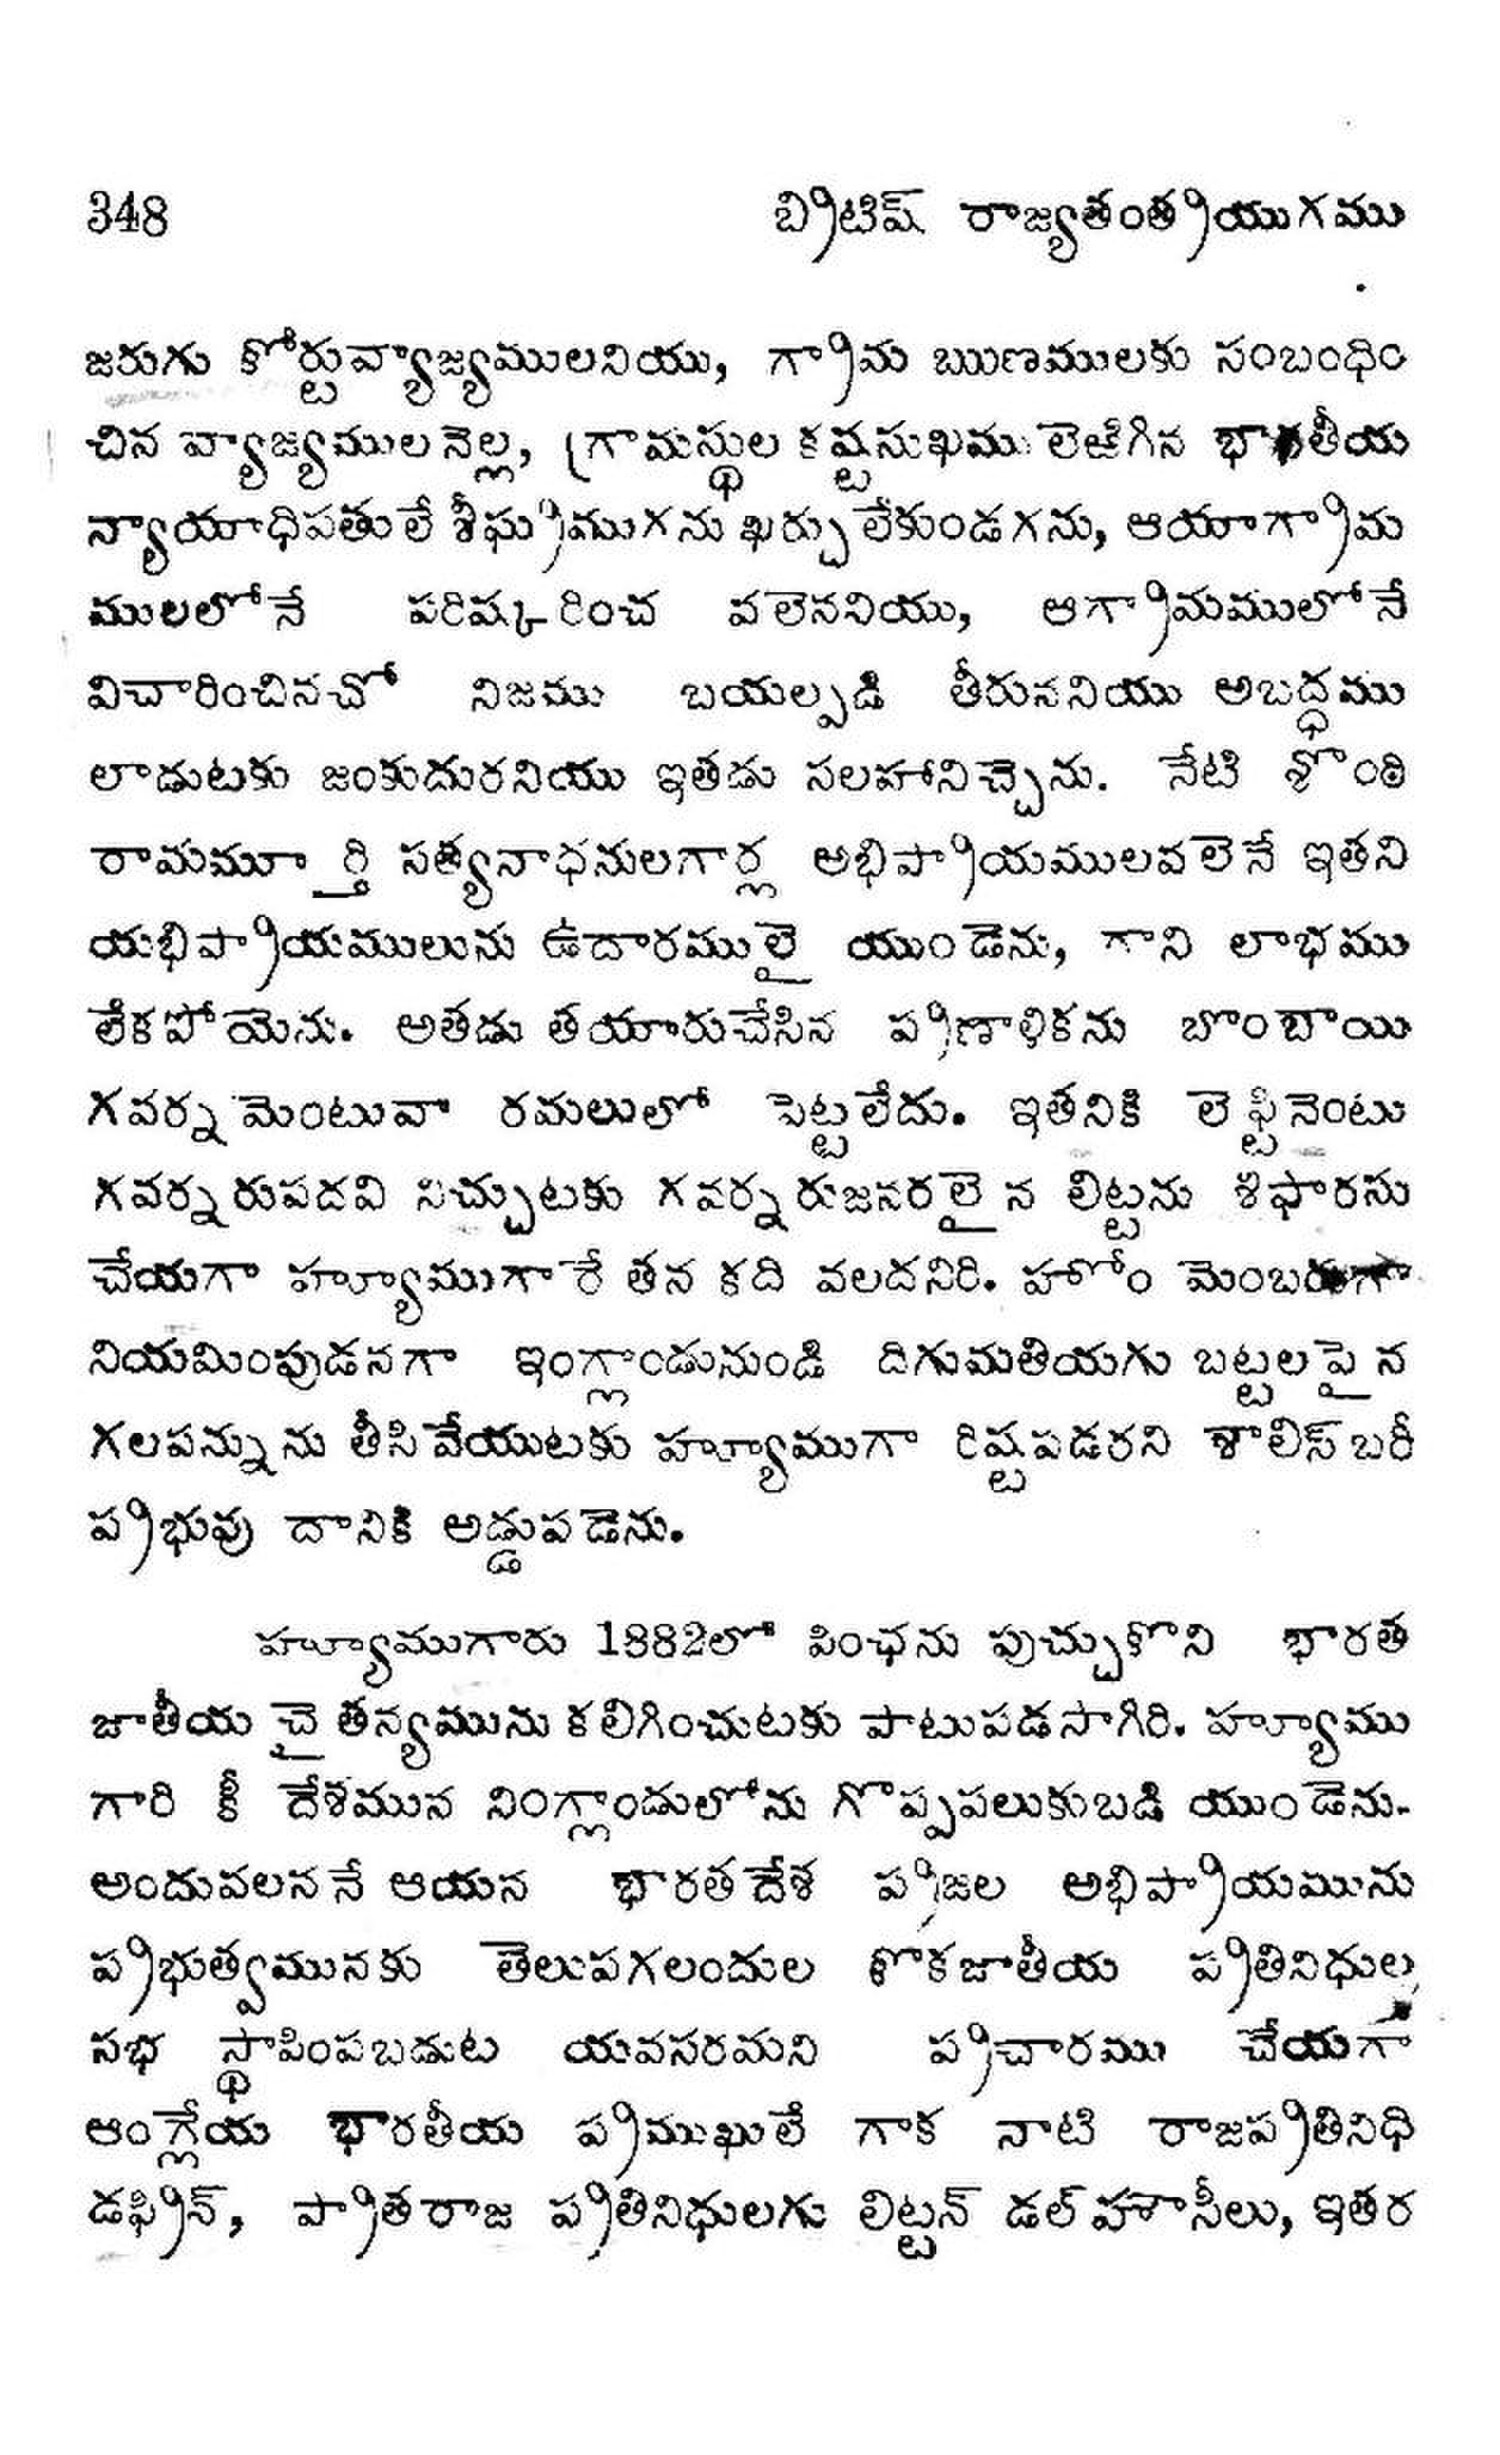జరుగు కోర్టువ్యాజ్యములనియు, గ్రామ ఋణములకు సంబంధించిన వ్యాజ్యములనెల్ల, గ్రామస్థుల కష్టసుఖములెఱిగిన భారతీయ న్యాయాధిపతులే శీఘ్రముగను ఖర్చులేకుండగను, ఆయాగ్రామములలోనే పరిష్కరించ వలెననియు, ఆగ్రామములోనే విచారించినచో నిజము బయల్పడి తీరుననియు అబద్ధము లాడుటకు జంకుదురనియు ఇతడు సలహానిచ్చెను. నేటి శొంఠి రామమూర్తి సత్యనాధనులగార్ల అభిప్రాయములవలెనే ఇతని యభిప్రాయములును ఉదారములై యుండెను, గాని లాభము లేకపోయెను. అతడు తయారుచేసిన ప్రణాళికను బొంబాయి గవర్నమెంటువా రమలులో పెట్టలేదు. ఇతనికి లెఫ్టినెంటు గవర్నరుపదవి నిచ్చుటకు గవర్నరుజనరలైన లిట్టను శిఫారసు చేయగా హ్యూముగారే తన కది వలదనిరి. హోం మెంబరుగా నియమింపుడనగా ఇంగ్లాండునుండి దిగుమతియగు బట్టలపైన గలపన్నును తీసివేయుటకు హ్యూముగా రిష్టపడరని శాలిన్ బరీ ప్రభువు దానికి అడ్డుపడెను.

హ్యూముగారు 1882లో పింఛను పుచ్చుకొని భారతజాతీయ చైతన్యమును కలిగించుటకు పాటుపడసాగిరి. హ్యూముగారి కీ దేశమున నింగ్లాండులోను గొప్పపలుకుబడి యుండెను. అందువలననే ఆయన భారతదేశ ప్రజల అభిప్రాయమును ప్రభుత్వమునకు తెలుపగలందుల కొకజాతీయ ప్రతినిధులు సభ స్థాపింపబడుట యవసరమని ప్రచారము చేయగా ఆంగ్లేయ భారతీయ ప్రముఖులే గాక నాటి రాజప్రతినిధి డఫ్రిన్, ప్రాతరాజ ప్రతినిధులగు లిట్టన్ డల్‌హౌసీలు, ఇతర